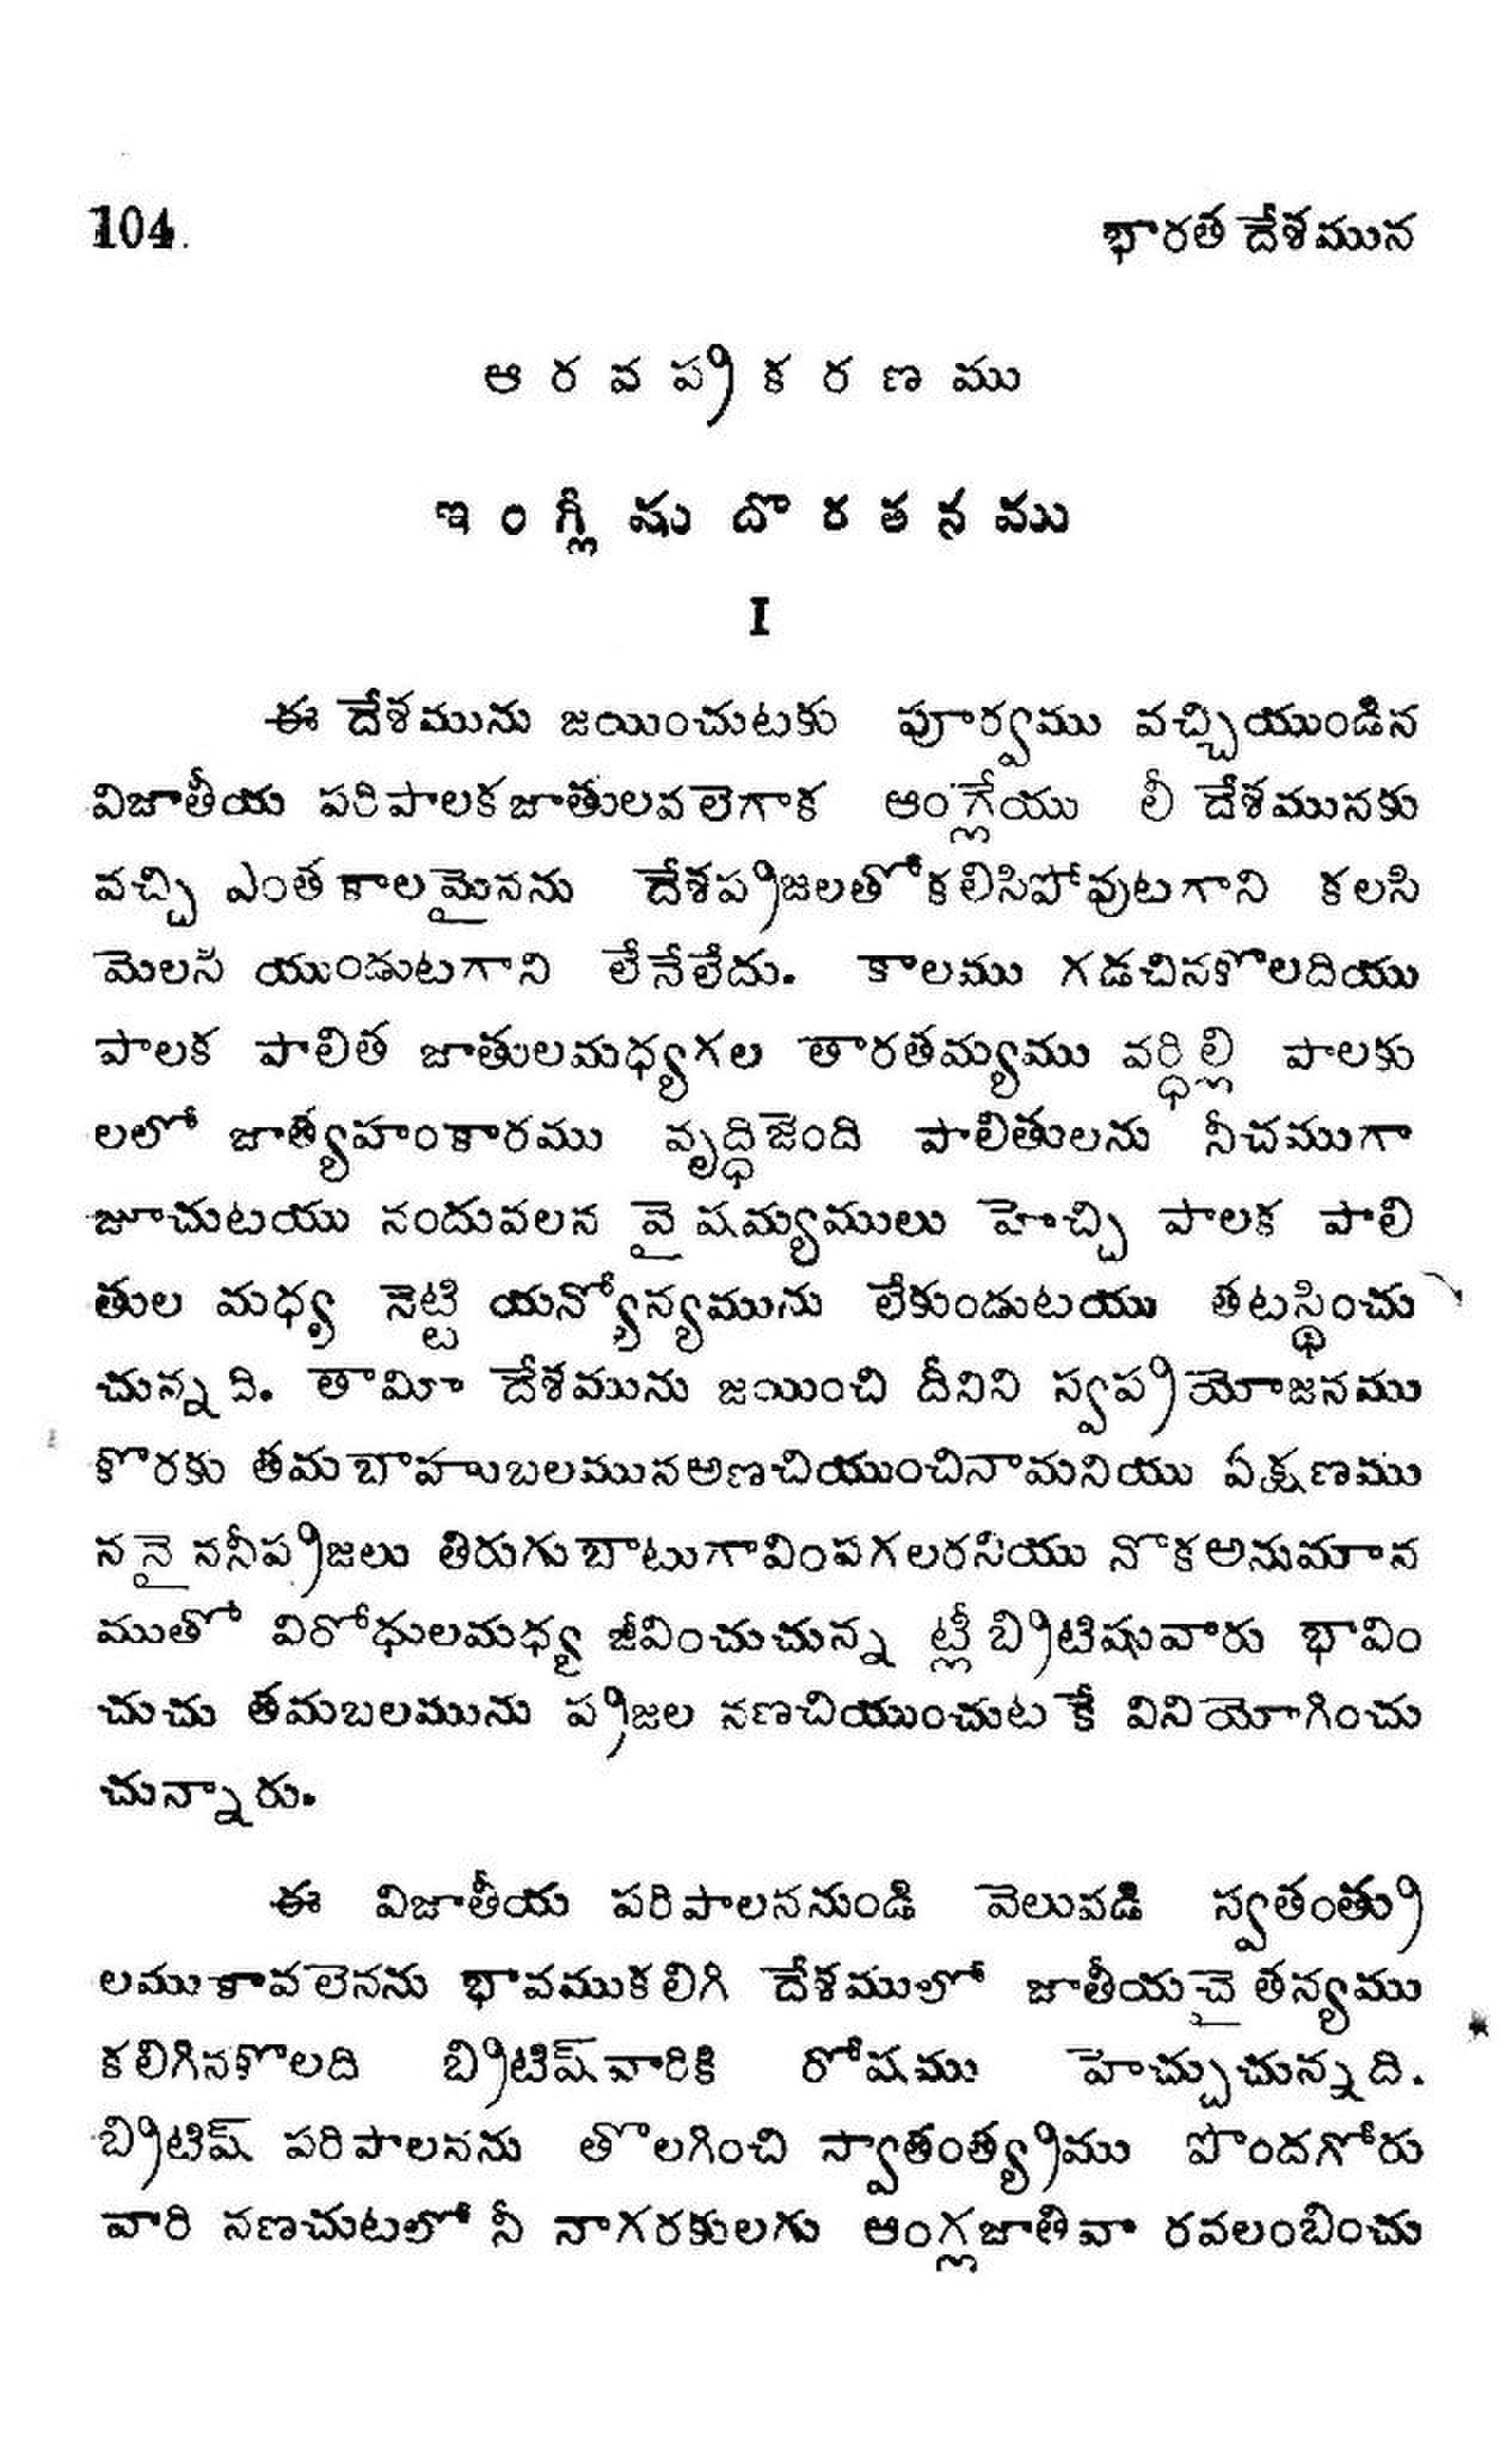ఆరవ ప్రకరణము 
ఇంగ్లీషు దొరతనము
I
ఈ దేశమును జయించుటకు పూర్వము వచ్చియుండిన విజాతీయ పరిపాలకజాతులవలెగాక ఆంగ్లేయు లీ దేశమునకు వచ్చి ఎంతకాలమైనను దేశప్రజలతోకలిసిపోవుటగాని కలసిమెలసి యుండుటగాని లేనేలేదు. కాలము గడచినకొలదియు పాలక పాలిత జాతులమధ్యగల తారతమ్యము వర్ధిల్లి పాలకులలో జాత్యహంకారము వృద్ధిజెంది పాలితులను నీచముగా జూచుటయు నందువలన వైషమ్యములు హెచ్చి పాలక పాలితుల మధ్య పెట్టి యన్యోన్యమును లేకుండుటయు తటస్థించుచున్నది. తామీ దేశమును జయించి దీనిని స్వప్రయోజనము కొరకు తమ బాహుబలమున అణచియుంచి నామనియు ఏక్షణముననైననీప్రజలు తిరుగుబాటుగావింపగలరనియు నొక అనుమానముతో విరోధులమధ్య జీవించుచున్నట్లే బ్రిటిషువారు భావించుచు తమబలమును ప్రజల నణచియుంచుటకే వినియోగించు చున్నారు.

ఈ విజాతీయ పరిపాలననుండి వెలువడి స్వతంత్రులముకావలెనను భావముకలిగి దేశములో జాతీయచైతన్యము కలిగినకొలది బ్రిటిష్‌వారికి రోషము హెచ్చుచున్నది. బ్రిటిష్ పరిపాలనను తొలగించి స్వాతంత్ర్యము పొందగోరు వారి నణచుటలో నీ నాగరకులగు ఆంగ్లజాతివా రవలంబించు